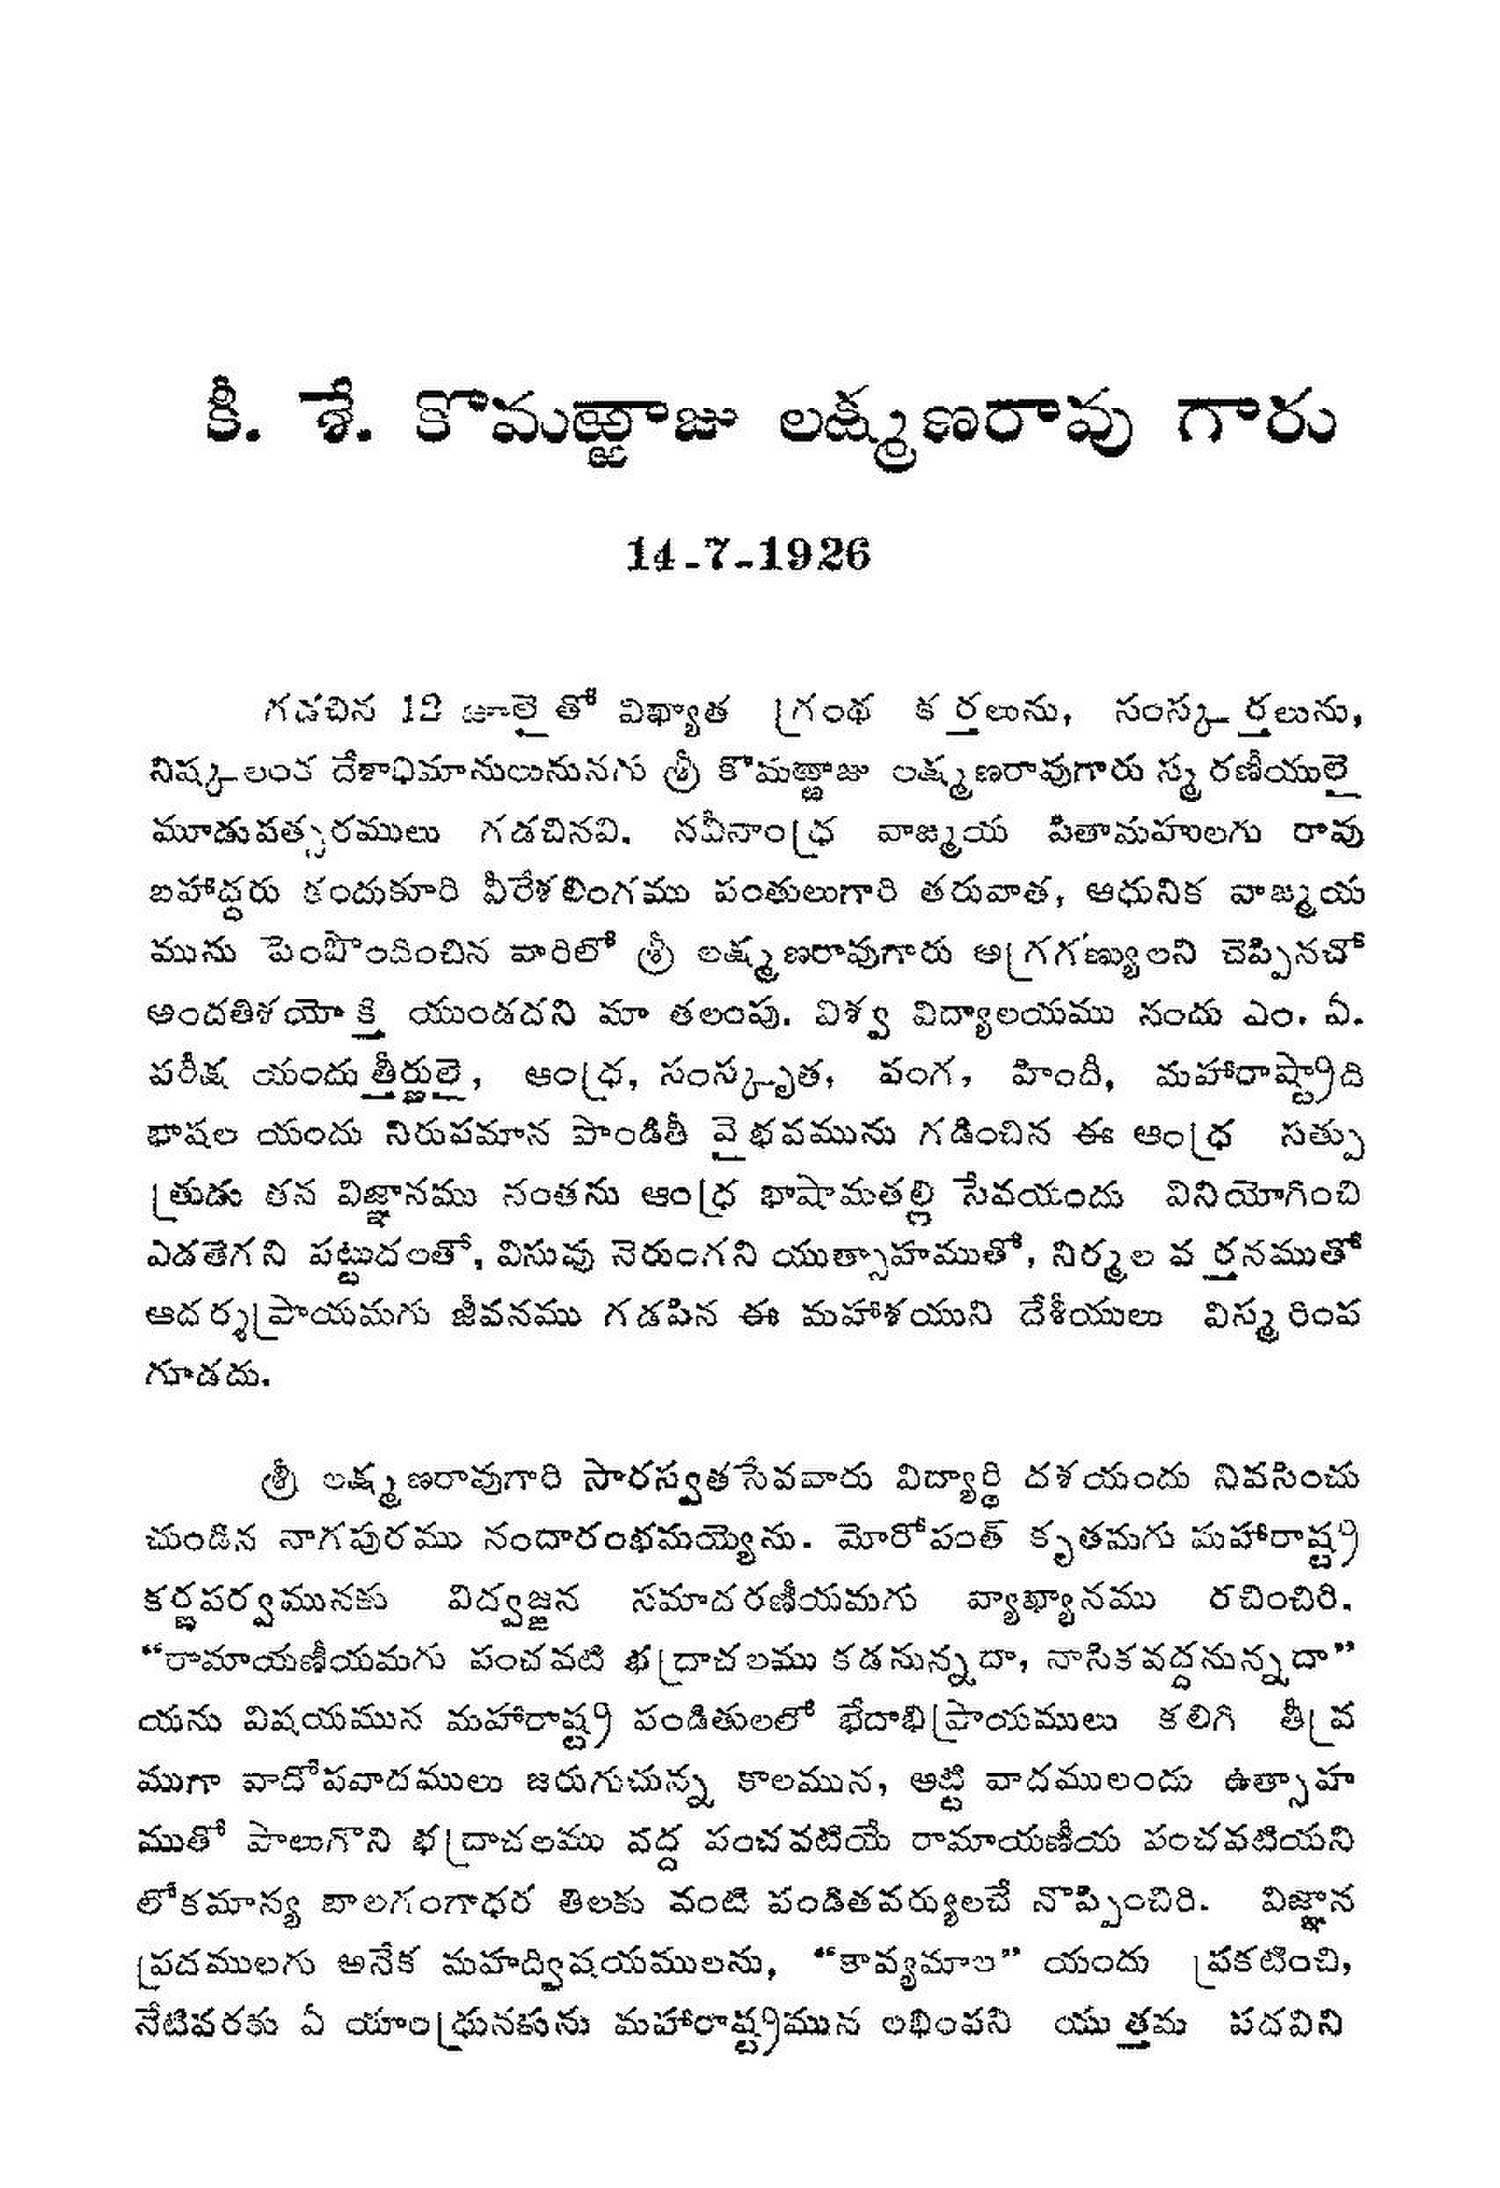కీ. శే. కొమఱ్ఱాజు లక్ష్మణరావు గారు

14-7-1926

గడచిన 12 జూలైతో విఖ్యాత గ్రంథ కర్తలను, సంస్కర్తలును, నిష్కలంక దేశాభిమానులునునగు శ్రీ కొమఱ్ఱాజు లక్ష్మణరావుగారు స్మరణీయులై మూడువత్సరములు గడచినవి. నవీనాంధ్ర వాఙ్మయ పితామహులగు రావు బహాద్దరు కందుకూరి వీరేశలింగము పంతులుగారి తరువాత, ఆధునిక వాఙ్మయమును పెంపొందించిన వారిలో శ్రీ లక్ష్మణరావుగారు అగ్రగణ్యులని చెప్పినచో అందతిశయోక్తి యుండదని మా తలంపు. విశ్వ విద్యాలయము నందు ఎం. ఏ. పరీక్ష యందుత్తీర్ణులై, ఆంధ్ర, సంస్కృత, వంగ, హిందీ, మహారాష్ట్రాది భాషల యందు నిరుపమాన పాండితీ వైభవమును గడించిన ఈ ఆంధ్ర సత్పుత్రుడు తన విజ్ఞానము నంతను ఆంధ్ర భాషామతల్లి సేవయందు వినియోగించి ఎడతెగని పట్టుదలతో, విసువు నెరుంగని యుత్సాహముతో, నిర్మల వర్తనముతో
ఆదర్శప్రాయమగు జీవనము గడపిన ఈ మహాశయుని దేశీయులు విస్మరింపగూడదు.

శ్రీ లక్ష్మణరావుగారి సారస్వతసేవవారు విద్యార్థి దశయందు నివసించుచుండిన నాగపురము నందారంభమయ్యెను. మోరోపంత్ కృతమగు మహారాష్ట్ర కర్ణపర్వమునకు విద్వజ్జన సమాదరణీయమగు వ్యాఖ్యానము రచించిరి.
"రామాయణీయమగు పంచవటి భద్రాచలము కడనున్నదా, నాసికవద్దనున్నదా” యను విషయమున మహారాష్ట్ర పండితులలో భేదాభిప్రాయములు కలిగి తీవ్రముగా వాదోపవాదములు జరుగుచున్న కాలమున, అట్టి వాదములందు ఉత్సాహముతో పాలుగొని భద్రాచలము వద్ద పంచవటియే రామాయణీయ పంచవటియని
లోకమాన్య బాలగంగాధర తిలకు వంటి పండితవర్యులచే నొప్పించిరి. విజ్ఞానప్రదములగు అనేక మహద్విషయములను, "కావ్యమాల” యందు ప్రకటించి, నేటివరకు ఏ యాంధ్రునకును మహారాష్ట్రమున లభింపని యుత్తమ పదవిని